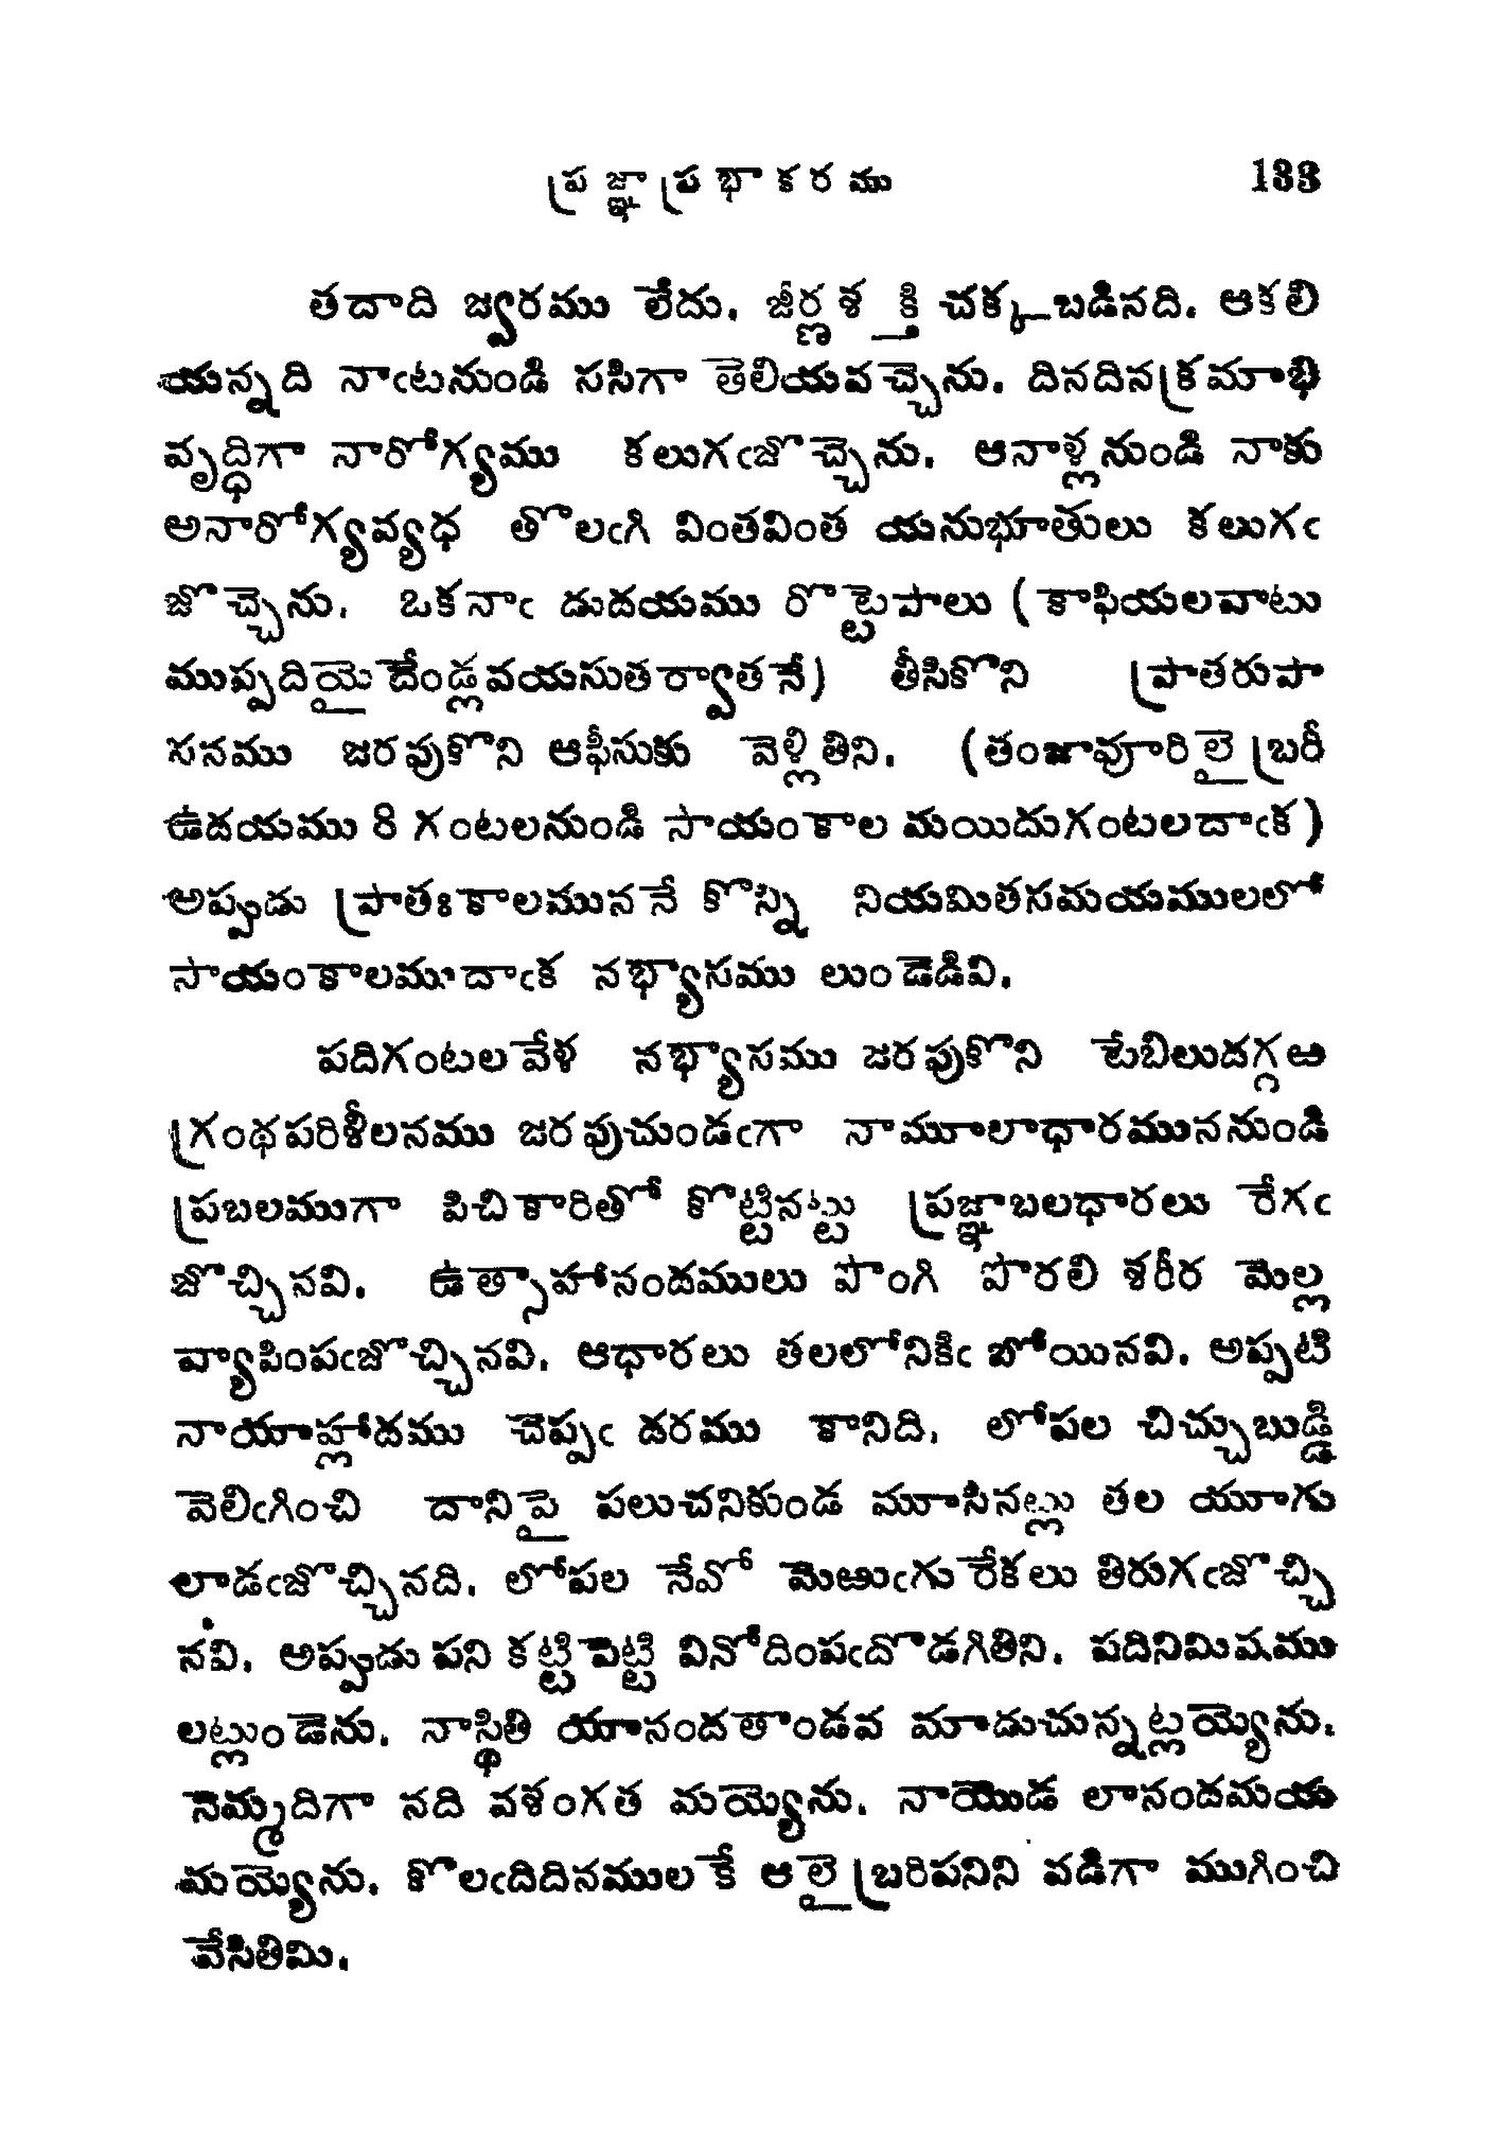తదాది జ్వరము లేదు. జీర్ణ శక్తి చక్క బడినది. ఆకలి యన్నది నాఁట నుండి ససిగా తెలియ వచ్చెను. దినదిన క్రమాభివృద్ధిగా నారోగ్యము కలుగఁ జొచ్చెను. ఆనాళ్ళ నుండి నాకు అనారోగ్యవ్యధ తొలఁగి వింతవింత యను భూతులు కలుగఁ జొచ్చెను. ఒక నాఁ డుదయము రొట్టెపాలు (కాఫియాల వాటు ముప్పది యై దేండ్ల వయసు తర్వాత నే) తీసికొని ప్రాతరుపాసనము జరపుకొని ఆఫీసుకు వెళ్ళితిని. తంజావూరి లైబ్రరీ ఉదయము 8 గంటలనుండి సాయంకాల మయిదు గంటల దాఁక) అప్పుడు ప్రాతఃకాలముననే కొన్ని నియమితసనయములలో సాయంకాలము దాఁక నభ్యాసము లుండెడివి.

 పదిగంటల వేళ నభ్యాసము జరపుకొని టేబిలు దగ్గఱ గ్రంధ పరిశీలనము జరుపు చుండఁ గా నా మూలాదారమున నుండి ప్రబలముగా పిచి కారితో కొట్టి నట్టు ప్రజ్ఞా బలధారాలు రేగఁ జిచ్చినవి. ఉత్సాహా నందములు పొంగి పొరలి శరీర మెల్ల వ్యాపింపఁ జొచ్చినవి. ఆధారాలు తలలో నికిఁ బోయినవి అప్పటి నా యాహ్లాదము చెప్పఁ దరము కానిది. లోపల చిచ్చుబుడ్డి వెలిఁ గించి దాని పై పలుచని కుండ మూసినట్లు తల యూగులాడఁ జొచ్చినది. లోపల నేవో మెఱుఁగు రేకలు తిరుగఁ జొచ్చినవి. అప్పుడు పని కట్టిపెట్టి వినోదింపఁ దొడగితిని. పదినిమిషము లట్లుండెను. నా స్థితి యానంద తాండవ మాడు చున్నట్లయ్యెను. నెమ్మదిగా నది వశంగత మయ్యెను. నా యొడ లానంద మయ మయ్యెను. కొలఁది దినములకే ఆ లైబ్రరి పనిని వడిగా ముగించి వేసితిని.